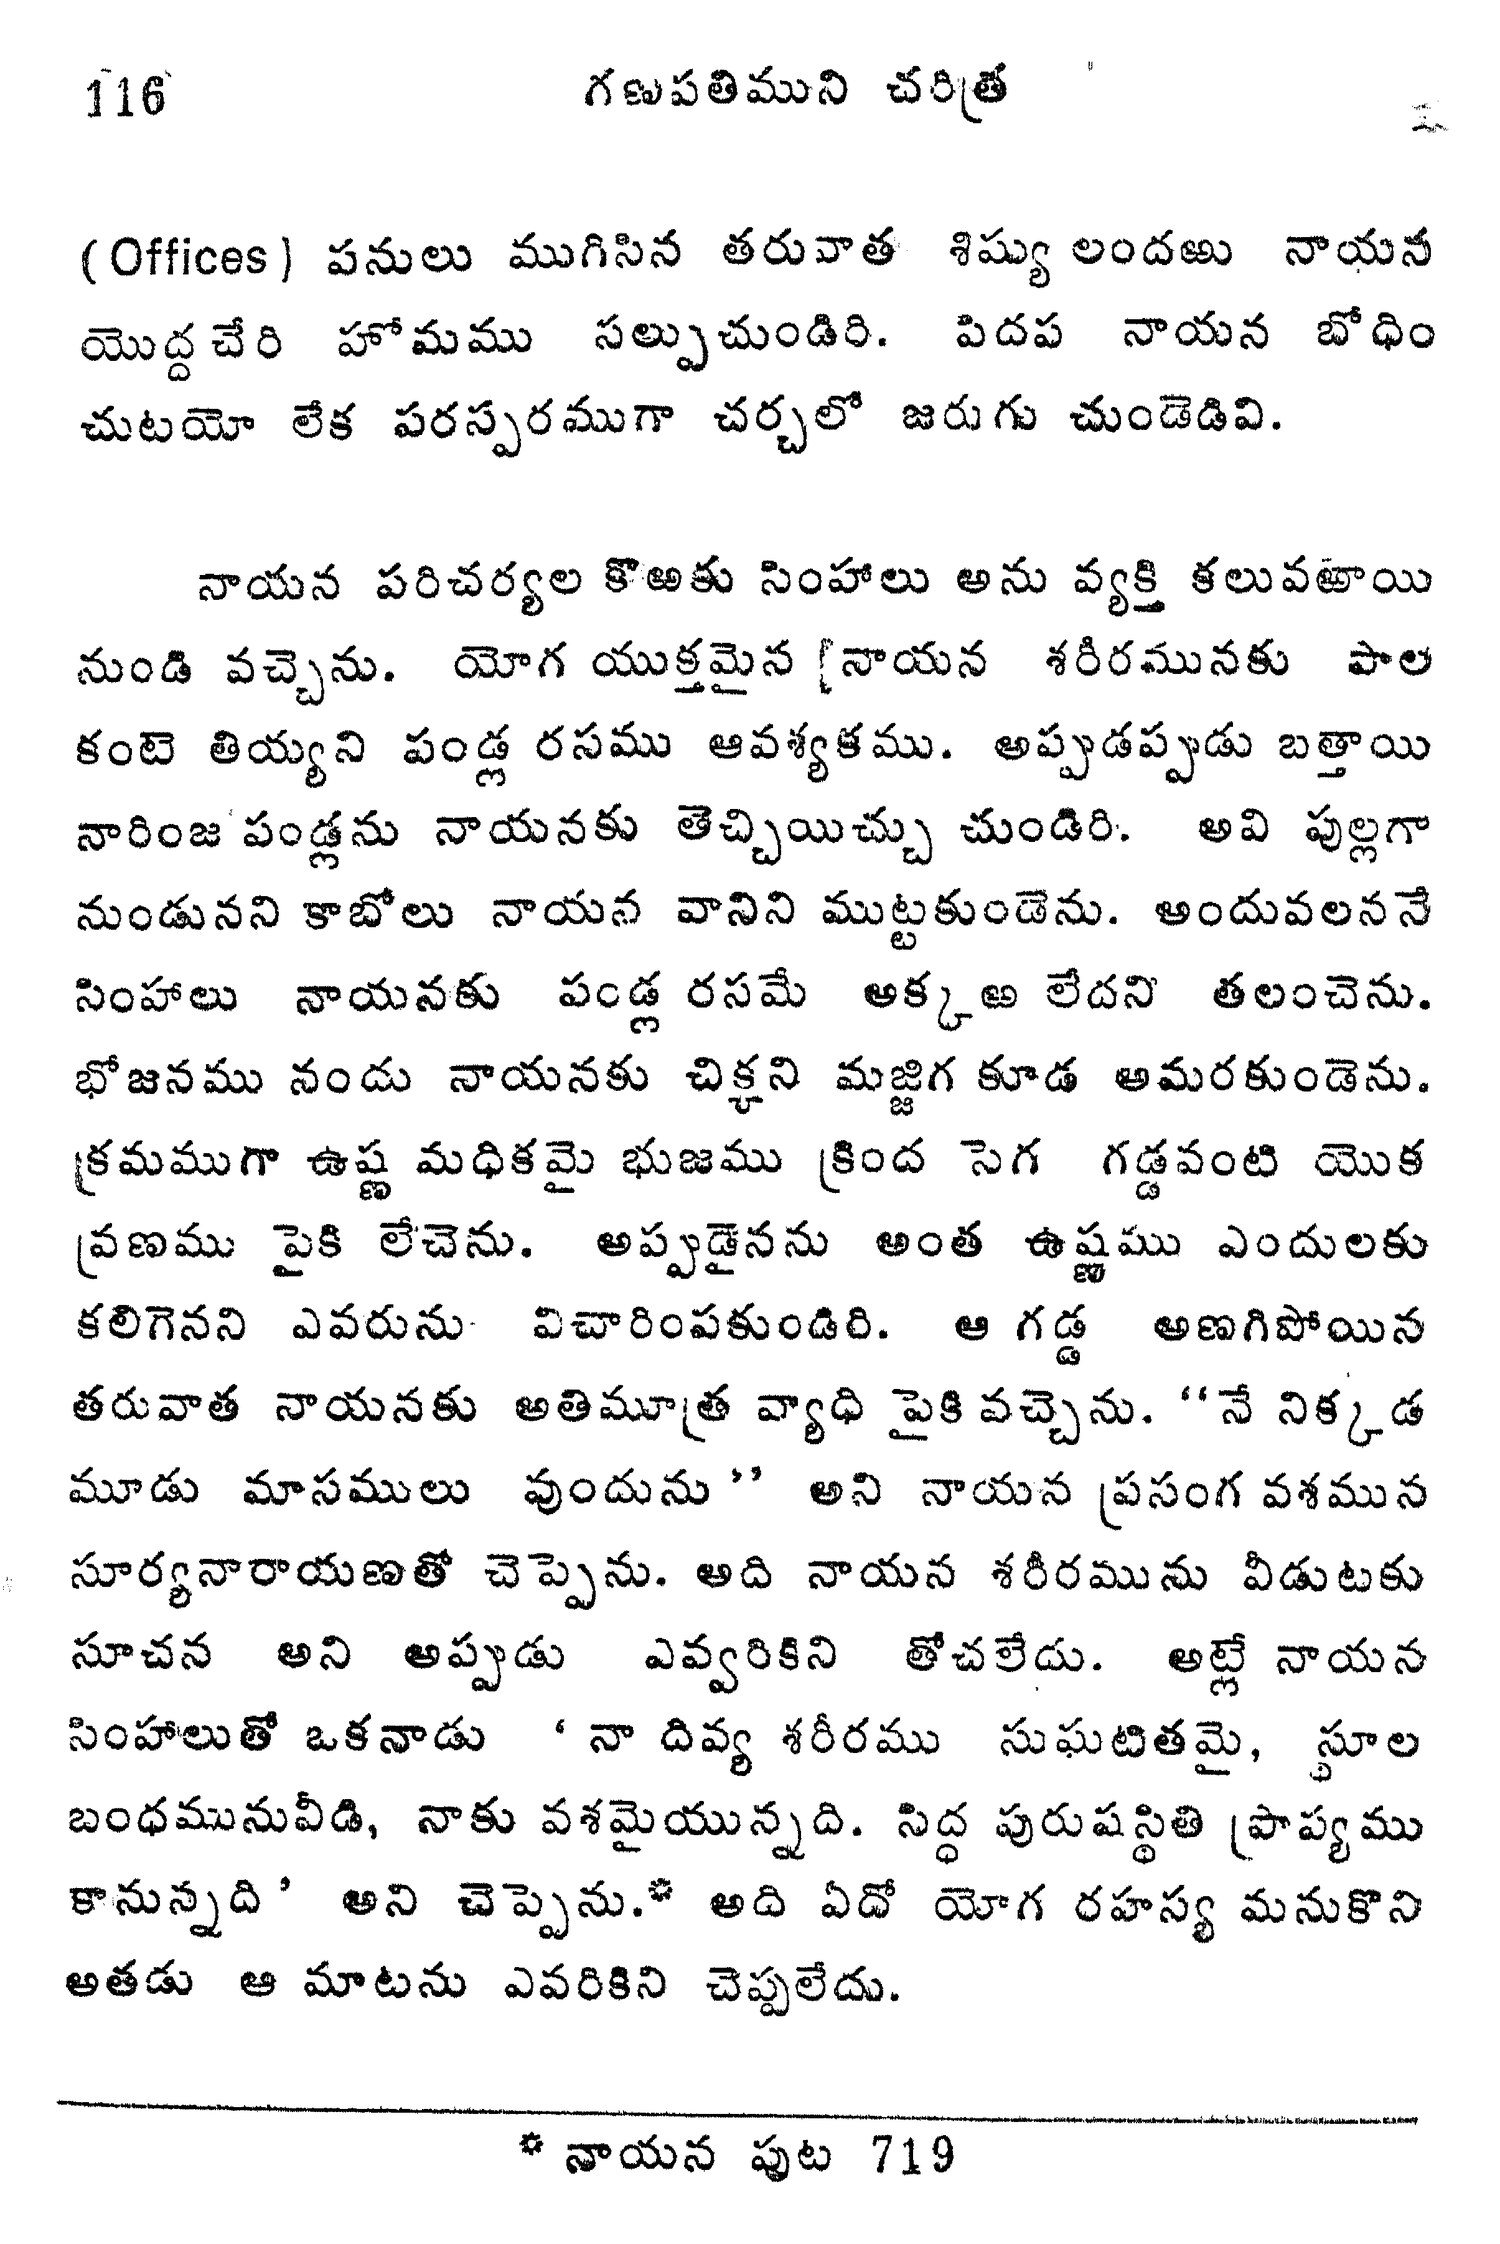(Offices) పనులు ముగిసిన తరువాత శిష్యు లందఱు నాయన యొద్దచేరి హోమము సల్పుచుండిరి. పిదప నాయన బోధించుటయో లేక పరస్పరముగా చర్చలో జరుగు చుండేడివి.

నాయన పరిచర్యల కొఱకు సింహాలు అను వ్యక్తి కలువఱాయి నుండి వచ్చెను. యోగ యుక్తమైన (నాయన శరీరమునకు పాల కంటె తియ్యని పండ్ల రసము ఆవశ్యకము. అప్పుడప్పుడు బత్తాయి నారింజ పండ్లను నాయనకు తెచ్చియిచ్చు చుండిరి. అవి పుల్లగా నుండునని కాబోలు నాయన వానిని ముట్టకుండెను. అందువలననే సింహాలు నాయనకు పండ్ల రసమే అక్కఱ లేదని తలంచెను. భోజనము నందు నాయనకు చిక్కని మజ్జిగ కూడ అమరకుండెను. క్రమముగా ఉష్ణ మధికమై భుజము క్రింద సెగ గడ్డవంటి యొక వ్రణము పైకి లేచెను. అప్పుడైనను అంత ఉష్ణము ఎందులకు కలిగెనని ఎవరును విచారింపకుండిరి. ఆ గడ్డ అణగిపోయిన తరువాత నాయనకు అతిమూత్ర వ్యాధి పైకివచ్చెను. "నే నిక్కడ మూడు మాసములు వుందును" అని నాయన ప్రసంగ వశమున సూర్యనారాయణతో చెప్పెను. ఆది నాయన శరీరమును వీడుటకు సూచన అని అప్పుడు ఎవ్వరికిని తోచలేదు. అట్లే నాయన సింహాలుతో ఒకనాడు 'నా దివ్య శరీరము సుఘటితమై, స్థూల బంధమునువీడి, నాకు వశమైయున్నది. సిద్ద పురుషస్థితి ప్రాప్యము కానున్నది' అని చెప్పెను.* అదిఏదో యోగ రహస్య మనుకొని అతడు ఆ మాటను ఎవరికిని చెప్పలేదు.